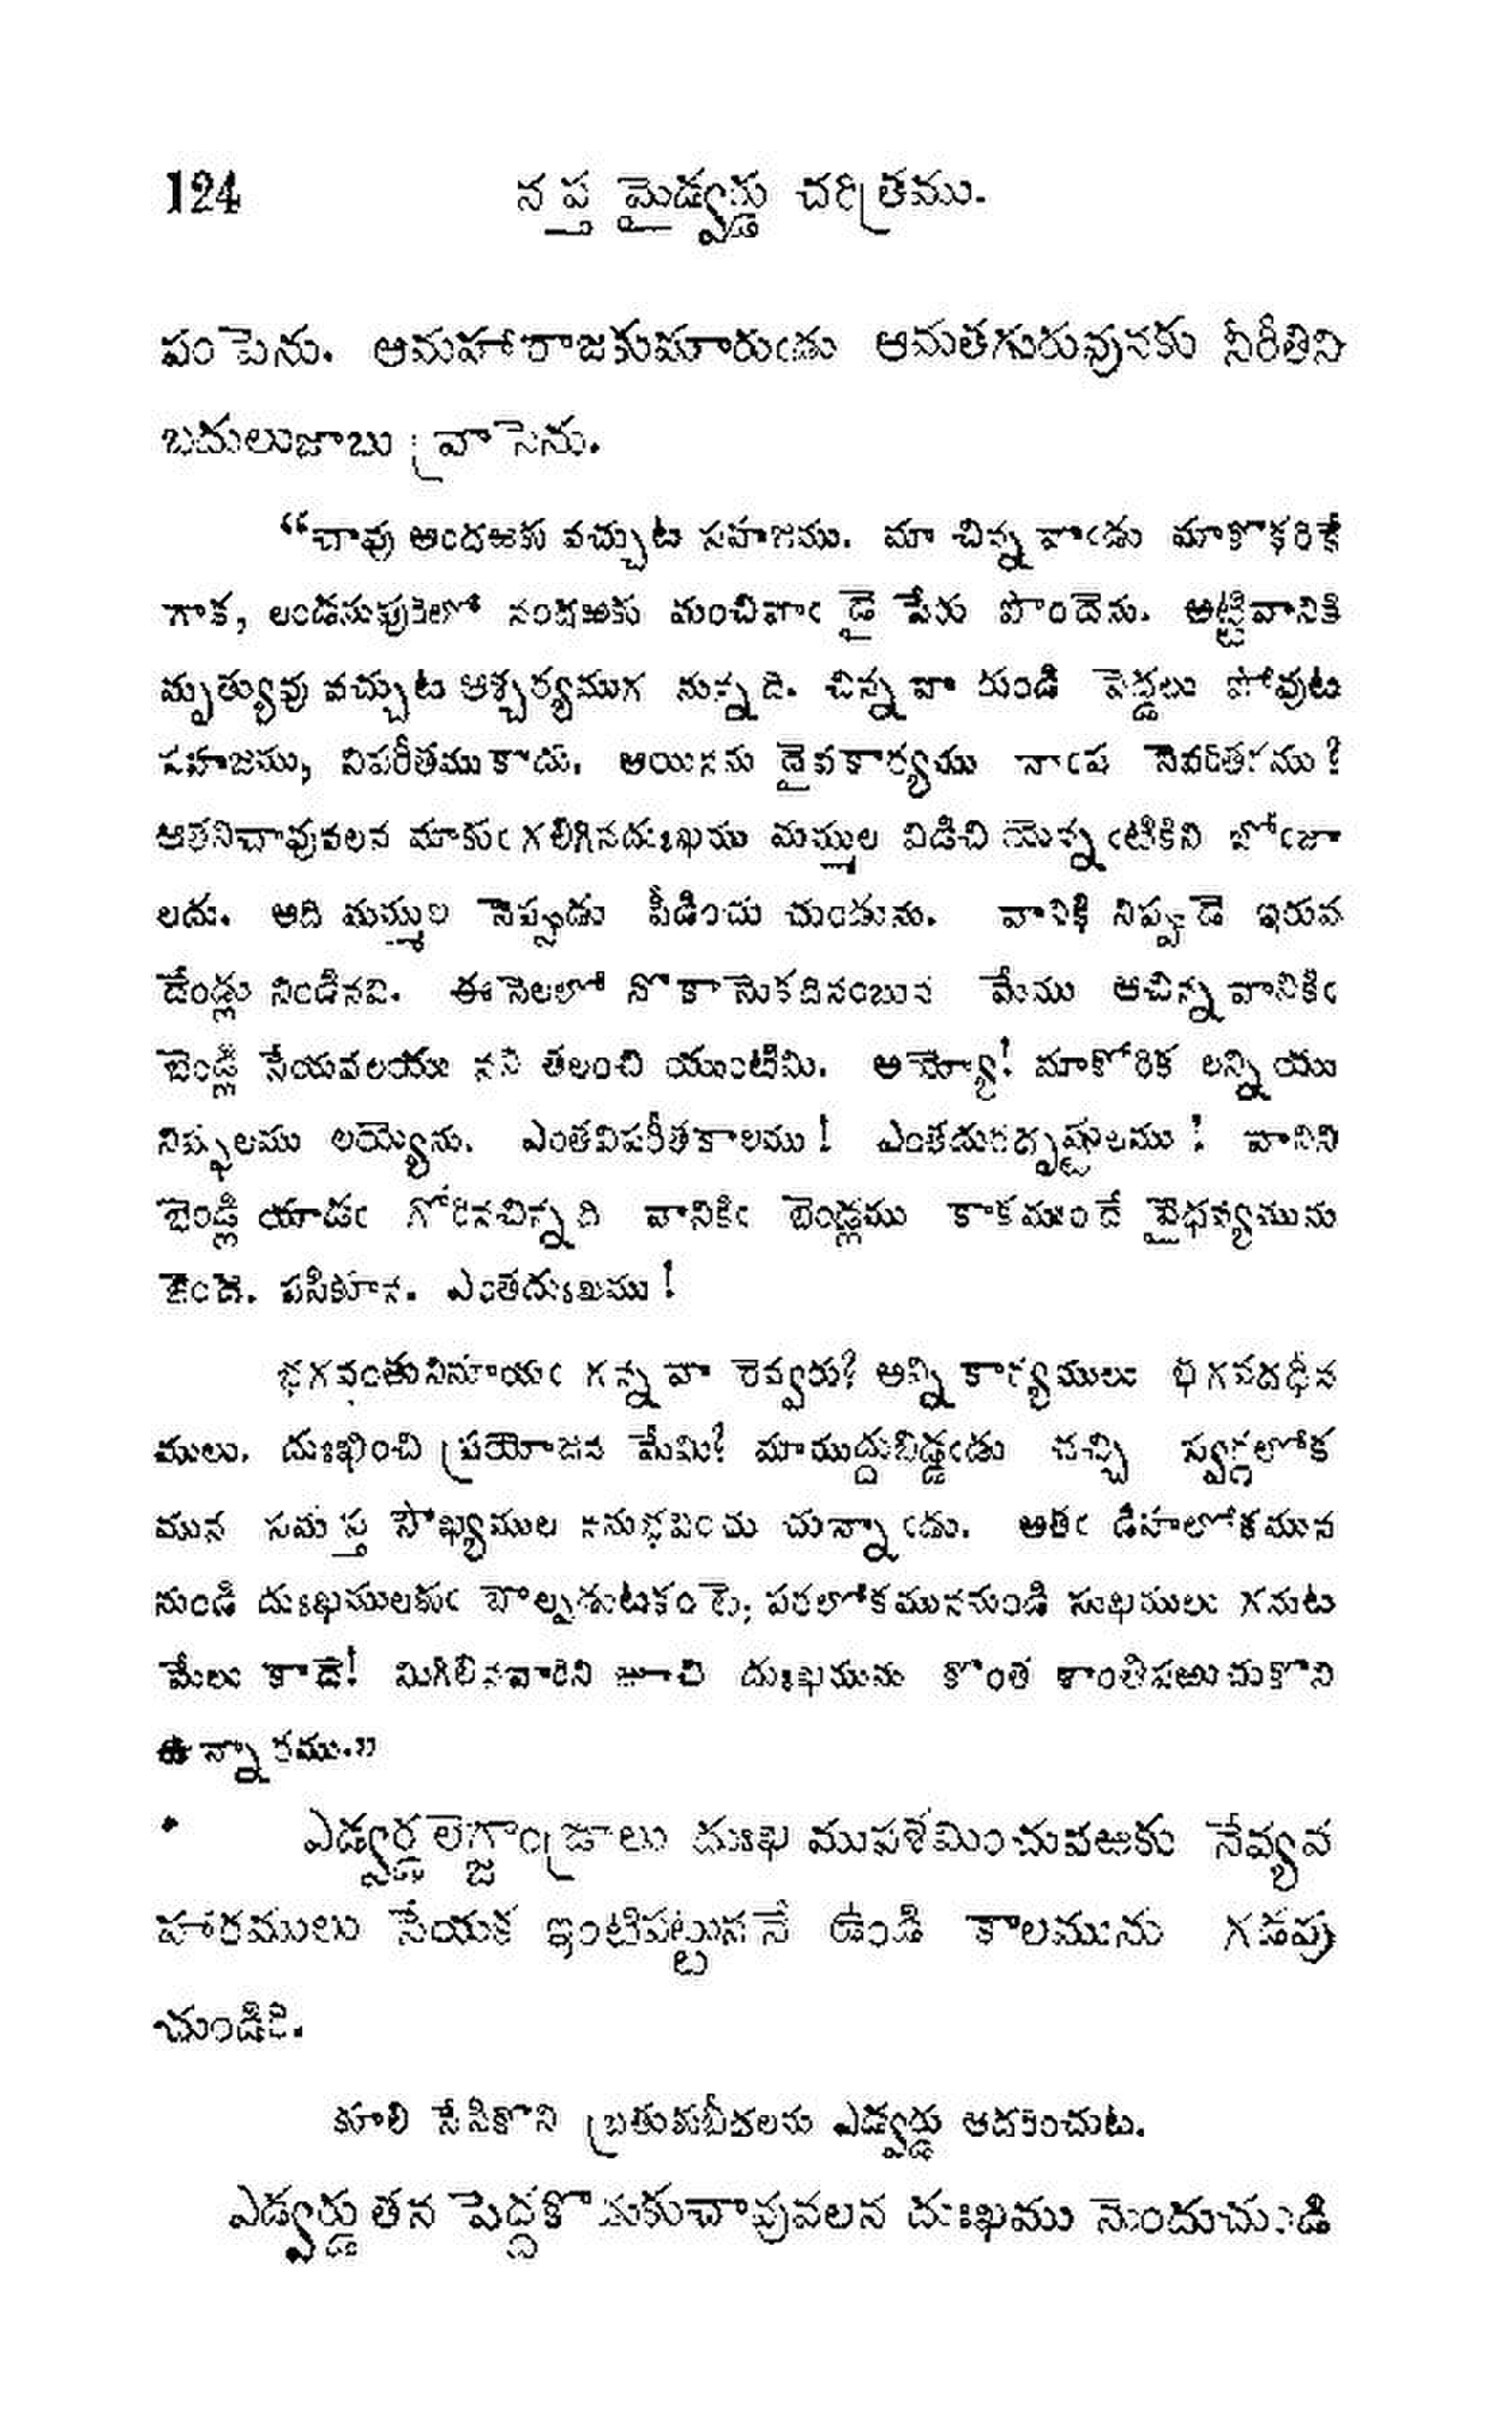పంపెను. ఆమహా రాజకుమారుఁడు ఆమత గురువునకు నీరీతిని బదులు జాబు వ్రాసెను.

“చావు అందఱుకు వచ్చుట సహజము. మా చిన్న వాఁడు మాకొకరికే గాక, లండసుపురిలో సందరకును మంచివాడై పేరు పొందెను. అట్టివానికి మృత్యువు వచ్చుట ఆశ్చర్యముగ నున్నది. చిన్న వారుండి పెద్దలు పోవుట సహజము, నిపరీతము కాదు. ఆయినను దైవ కార్యము నాఁప నెవరితరము ? ఆనిచావు వలన మాకుఁ గలిగిన దఃఖము మమ్ముల విడిచి యెన్నటీకిని బోజా లదు. ఆది మమ్ముల సెప్పుడు పీడించు చుండును. వానికి నిప్పుడె ఇరువ డేండ్లు నిండినది. ఈ నెలలో నొకా నొక దినంబున మేము ఆచిన్న వానికి బెండ్లి సేయవలయు నని తలంచి యుంటిమి. ఆయ్యో మాకోరిక లన్నియు నిష్ఫలము లయ్యెను. ఎంత విపరీత కాలము ! ఎంతదుర దృష్టులము వానిని బెండ్లి యాడఁ గోరిన చిన్నది. వానికి బెండ్లము కాకముందే వైధవ్యమును జెందె. పసికూనే. ఎంత దుఃఖము !

భగవంతుని మాయఁ గన్న వారెవ్వరు? అన్ని కార్యములు భగవదధీన ములు, దుఃఖించి ప్రయోజవ మేమి? మా ముద్దు బిడ్డఁడు చచ్చి స్వర్గలోక మున సమస్త సౌఖ్యముల అనుభవించు చున్నాఁడు. అతడిహలోకమున నుండి దుఃఖములకుఁ బొల్పడుటకంటె, పరలోకముననుండి సుభములు గనుట మేలు కాదే! మిగిలిన వారిని జూచి దుఃఖమును కొంత శాంతిపఱుచుకొని ఉన్నారము.

ఎడ్వర్డ లెగ్జాండ్రులు దుఃఖముపశమించు వఱకు నేవ్యవ హారములు సేయక ఇంటిపట్టుననే ఉండి కాలము:ను గడపు చుండిరి.